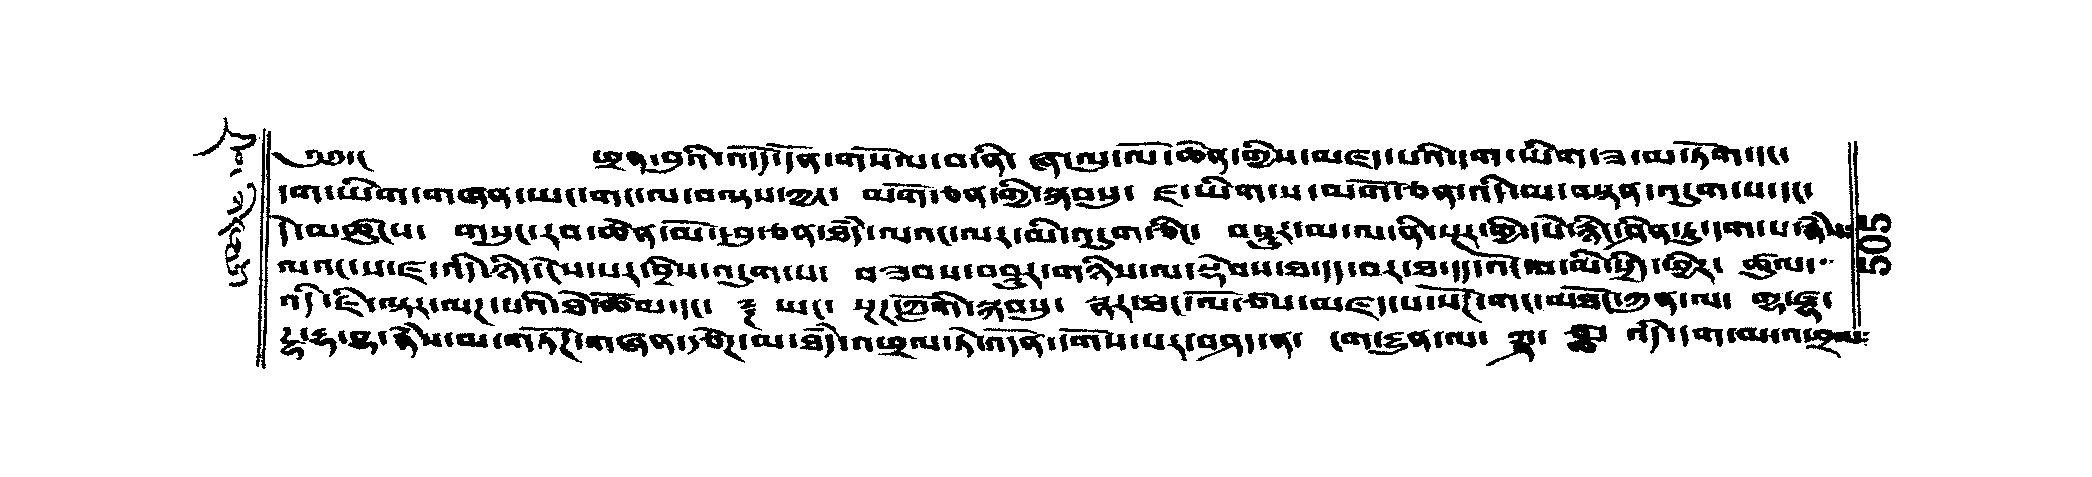ཕྲན་བུའི་འདོད་དོན་གསོལ་བ་ནི། ཞྭ་ལུ་ལོ་ཆེན་གྱིས་མཛད་པའི་དག་ཡིག་ཟ་མ་ཏོག་དང་། 
དག་ཡིག་གཞན་ཡང་གང་ལ་བལྟས་ཀྱང་། མགོ་ཅན་གྱི་སྐབས་སུ། ཛ་ཡིག་ས་མགོ་ཅན་འདི་མ་བསྟན་འདུག་པ་དང་། 
དེ་མཚུངས། གསུང་རབ་ཆེན་མོ་དབུ་ཅན་ཐམས་ཅད་ལའང་ལར་མི་འདུག་ཅིང་། བཤུར་མ་ལ་ནི་སྔར་གྱི་དཔེ་རྙིང་ཤིན་ཏུ་དག་པ་རྣམས་
ལའང་ས་ཛ་འདི་ཉིད་ངེས་པར་བྲིས་འདུག་པ། བཟབ་བཤུར་གཉིས་ལ་སྡེབས་ཐ་དད་འོང་པར་མི་སྲིད་ཕྱིར། ཚུལ་
འདི་ཇི་ལྟར་ལགས་པའི་ཐེ་ཚོམ་དང་། ༈ ཡང་། སྔགས་ཀློག་གི་སྐབས་སུ། སྣར་ཐང་ལོ་ཙཱས་མཛད་པ་སོགས་གང་མཐོང་ཀུན་ལ། གྷ་ཛྷ་
ཌྷ་དྷ་བྷ་རྣམས་མ་གཏོགས་གཞན་རྩེགས་མ་ཐམས་ཅད་འཕྲལ་ཏེ་འདོན་དགོས་པར་བཤད་ན། ངག་རྒྱུན་ལ། ཀྴ། ཙྪ། འདི་དག་མ་འཕྲལ་